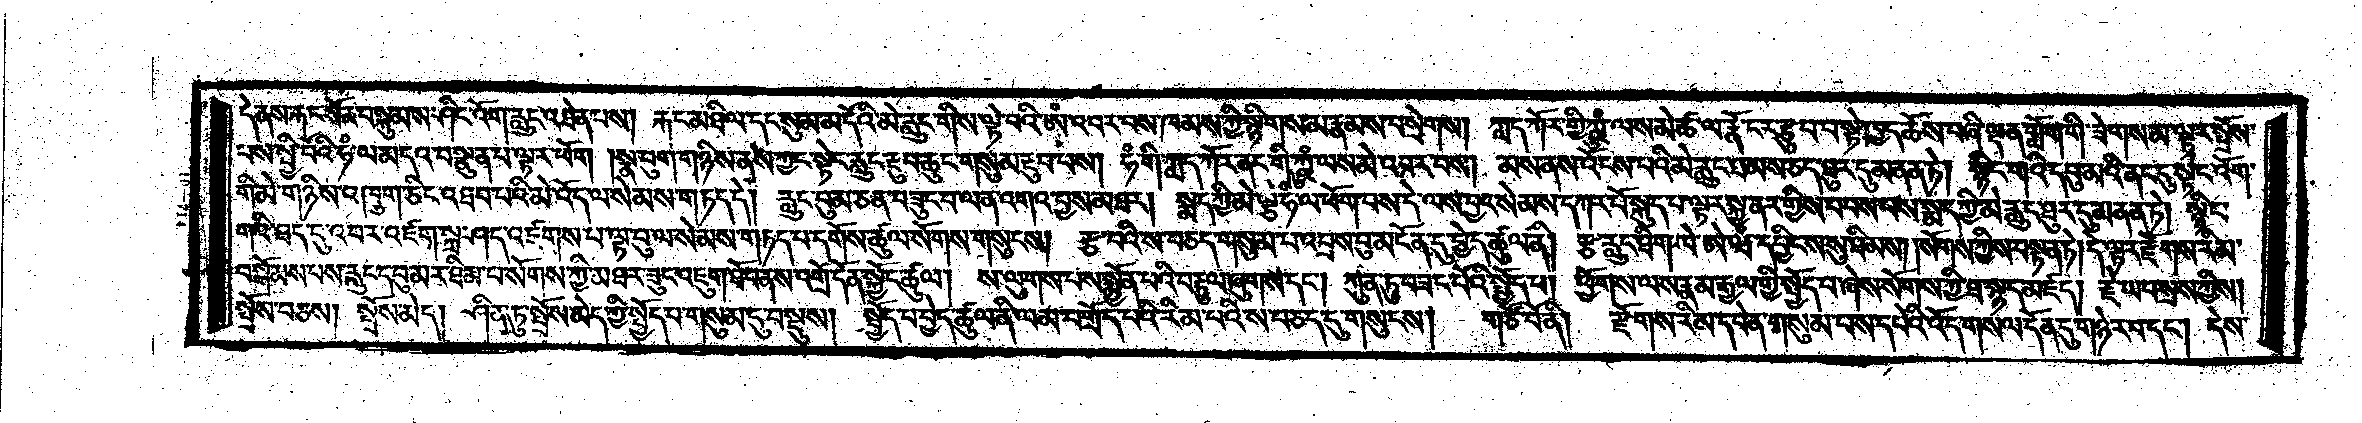དེ་ནས་རྐང་སོར་བསྐུམས་ཤིང་འོག་རླུང་འཐེན་པས། རྐང་མཐིལ་དང་སུམ་མདོའི་མེ་རླུང་གིས་ལྟེ་བའི་ཨཾ་འབར་བས་ཁམས་ཀྱི་སྙིགས་མ་རྣམས་བསྲེགས། ཀླད་ཀོར་གྱི་ཀྵུཾ་ལས་མེ་ཚ་ལ་རྣོ་ངར་རྩུབ་པ་སྟེ་ཁྱད་ཆོས་བཞི་ལྡན་གློག་གི་ཟེགས་མ་ལྟར་སྤྲོས་
པས་སྤྱི་བོའི་ཧཾ་ལ་མདའ་བསྣུན་པ་ལྟར་ཕོག །སྣ་བུག་གཉིས་ནས་ཀྱང་སྟེང་རླུང་རྔུབ་ཆུང་གསུམ་རྔུབ་པས། ཧཾ་གི་ཀླད་ཀོར་ནང་གི་ཀྵུཾ་ལས་མེ་འབར་བས། མས་ནས་འོངས་པའི་མེ་རླུང་ཐམས་ཅད་ཐུར་དུ་མནན་ཏེ། སྙིང་གའི་དབུ་མའི་ནང་དུ་སྟེང་འོག་
གི་མེ་གཉིས་འཁྲུག་ཅིང་འཐབ་པའི་མེ་འོད་ལ་སེམས་གཏད་དེ། རླུང་བུམ་ཅན་བཟུང་བ་ལན་འགའ་བྱས་མཐར། སྨད་ཀྱི་མེ་ལྕེ་ཧཾ་ལ་ཕོག་པས་དེ་ལས་བྱང་སེམས་དཀར་པོ་སྐུད་པ་ལྟར་སྐྱ་ནར་གྱིས་བབས་པས་སྨད་ཀྱི་མེ་རླུང་ཐུར་དུ་མནན་ཏེ། སྙིང་
གའི་ཐད་དུ་འབར་འཛག་སྐྲ་ཤད་འཛགས་པ་ལྟ་བུ་ལ་སེམས་གཏད་པ་དགོས་ཚུལ་སོགས་གསུངས། རྩ་བའི་ས་བཅད་གསུམ་པ་འབྲས་བུ་མངོན་དུ་བྱེད་ཚུལ་ནི། རྩ་རླུང་ཐིག་ལེ་ཨེ་ཝཾ་དབྱིངས་སུ་ཐིམས། །སོགས་ཀྱིས་བསྟན་ཏེ། དེ་ལྟར་རྫོགས་རིམ་
བསྒོམས་པས་རླུང་དབུ་མར་ཐིམ་པ་སོགས་ཀྱི་མཐར་ཟུང་འཇུག་ཐོབ་ནས་འགྲོ་དོན་སྐྱོང་ཚུལ། ས་ལུགས་པས་སྨྱོན་པའི་བརྟུལ་ཞུགས་དང་། ཀུན་ཏུ་བཟང་པོའི་སྤྱོད་པ། ཕྱོགས་ལས་རྣམ་རྒྱལ་གྱི་སྤྱོད་པ་ཞེས་སོགས་ཀྱི་ཐ་སྙད་མཛད། རྗེ་ཡབ་སྲས་ཀྱིས།
སྤྲོས་བཅས། སྤྲོས་མེད། ཤིན་ཏུ་སྤྲོས་མེད་ཀྱི་སྤྱོད་པ་གསུམ་དུ་བསྡུས། སྤྱོད་པ་བྱེད་ཚུལ་ནི་ལམ་བགྲོད་པའི་རིམ་པའི་ས་བཅད་དུ་གསུངས། གཙོ་བོ་ནི། རྫོགས་རིམ་དབེན་གསུམ་པས་དཔེའི་འོད་གསལ་དོན་དུ་གཉེར་བ་དང་། དེས་